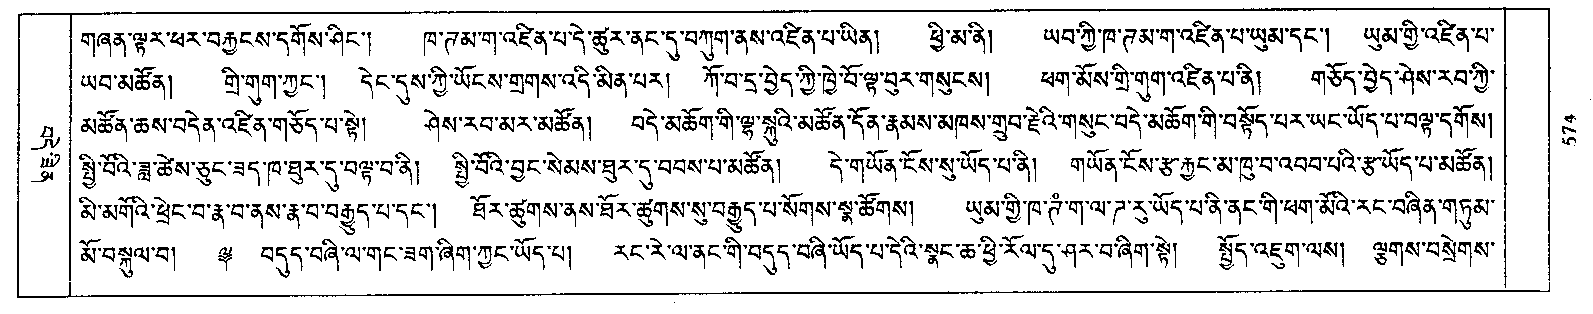གཞན་ལྟར་ཕར་བརྐྱངས་དགོས་ཤིང་། ཁ་ཊམ་ག་འཛིན་པ་དེ་ཚུར་ནང་དུ་བཀུག་ནས་འཛིན་པ་ཡིན། ཕྱི་མ་ནི། ཡབ་ཀྱི་ཁ་ཊམ་ག་འཛིན་པ་ཡུམ་དང་། ཡུམ་གྱི་འཛིན་པ་
ཡབ་མཚོན། གྲི་གུག་ཀྱང་། དེང་དུས་ཀྱི་ཡོངས་གྲགས་འདི་མིན་པར། ཀོ་བ་དྲ་བྱེད་ཀྱི་ཁྱེ་བོ་ལྟ་བུར་གསུངས། ཕག་མོས་གྲི་གུག་འཛིན་པ་ནི། གཅོད་བྱེད་ཤེས་རབ་ཀྱི་
མཚོན་ཆས་བདེན་འཛིན་གཅོད་པ་སྟེ། ཤེས་རབ་མར་མཚོན། བདེ་མཆོག་གི་ལྷ་སྐུའི་མཚོན་དོན་རྣམས་མཁས་གྲུབ་རྗེའི་གསུང་བདེ་མཆོག་གི་བསྟོད་པར་ཡང་ཡོད་པ་བལྟ་དགོས།
སྤྱི་བོའི་ཟླ་ཚེས་ཅུང་ཟད་ཁ་ཐུར་དུ་བལྟ་བ་ནི། སྤྱི་བོའི་བྱང་སེམས་ཐུར་དུ་བབས་པ་མཚོན། དེ་གཡོན་ངོས་སུ་ཡོད་པ་ནི། གཡོན་ངོས་རྩ་རྐྱང་མ་ཁུ་བ་འབབ་པའི་རྩ་ཡོད་པ་མཚོན།
མི་མགོའི་ཕྲེང་བ་རྣ་བ་ནས་རྣ་བ་བརྒྱུད་པ་དང་། ཐོར་ཚུགས་ནས་ཐོར་ཚུགས་སུ་བརྒྱུད་པ་སོགས་སྣ་ཚོགས། ཡུམ་གྱི་ཁ་ཊཾ་ག་ལ་ཌ་རུ་ཡོད་པ་ནི་ནང་གི་ཕག་མོའི་རང་བཞིན་གཏུམ་
མོ་བསྐུལ་བ། ༈ བདུད་བཞི་ལ་གང་ཟག་ཞིག་ཀྱང་ཡོད་པ། རང་རེ་ལ་ནང་གི་བདུད་བཞི་ཡོད་པ་དེའི་སྣང་ཆ་ཕྱི་རོལ་དུ་ཤར་བ་ཞིག་སྟེ། སྤྱོད་འཇུག་ལས། ལྕགས་བསྲེགས་